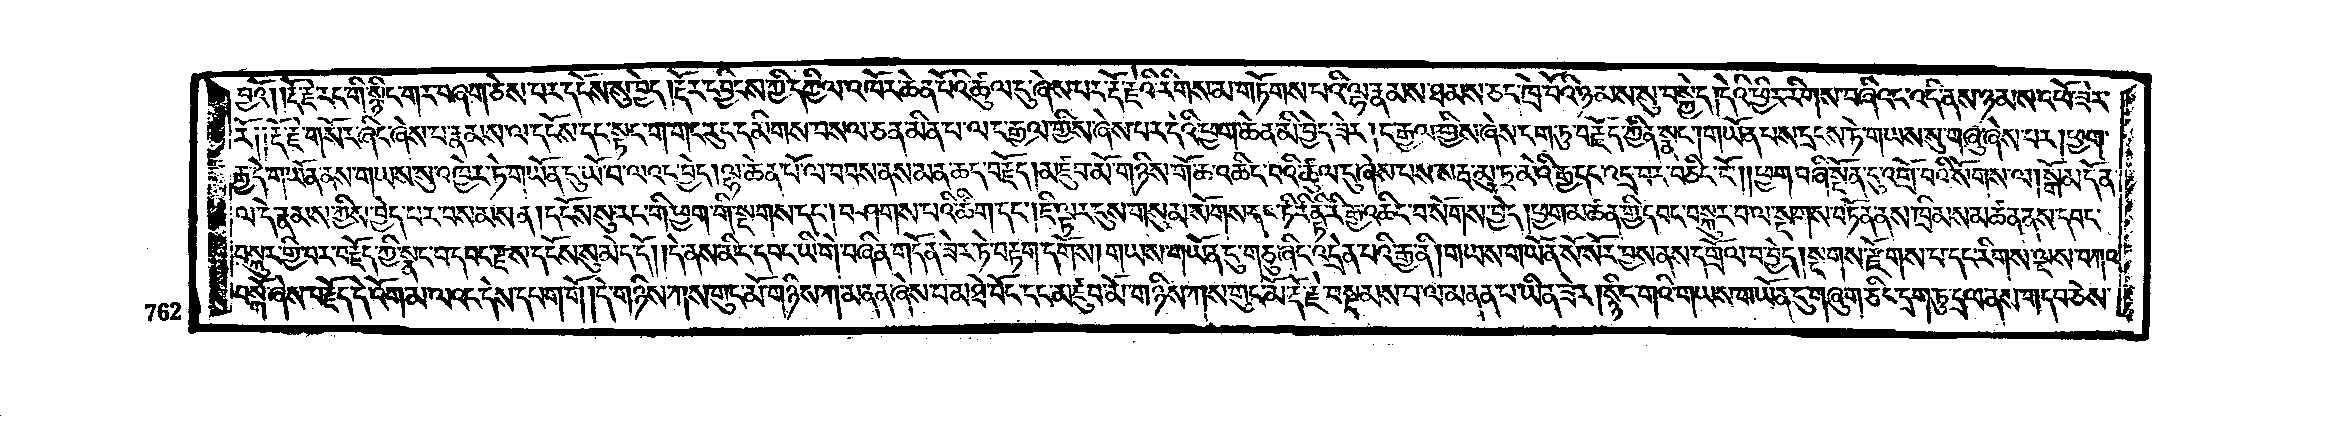བྱའོ། །རྡོ་རྗེ་རང་གི་སྙིང་གར་བཞག་ཅེས་པར་དངོས་སུ་བྱེད། རྡོར་དབྱིངས་ཀྱི་དཀྱིལ་འཁོར་ཆེན་པོའི་ཚུལ་དུ་ཞེས་པར་རྡོ་རྗེའི་རིགས་མ་གཏོགས་པའི་ལྷ་རྣམས་ཐམས་ཅད་ཁྲོ་བོའི་ཉམས་སུ་བསྐྱེད། དེའི་ཕྱིར་རིགས་བཞིའང་འདི་ནས་ཉམས་འཕོ་ཟེར་
རོ༑ ༑རྡོ་རྗེ་གསོར་ཞིང་ཞེས་པ་རྣམས་ལ་དངོས་དང་སྟང་ག་གང་རུང་དམིགས་བསལ་ཅན་མིན་པ་ལ་ང་རྒྱལ་གྱིས་ཞེས་པར་དེའི་ཕྱག་ཆེན་མི་བྱེད་ཟེར། ང་རྒྱལ་གྱིས་ཞེས་ངག་ཏུ་བརྗོད་ཀྱིན་སྣང་། གཡོན་པས་དྲངས་ཏེ་གཡས་སུ་གཞུ་ཞེས་པར། ཕྱག་
རྒྱ་དེ་གཡོན་ནས་གཡས་སུ་འཁྱེར་ཏེ་གཡོན་དུ་ཡོ་བ་ལའང་བྱེད། ལྷ་ཆེན་པོ་ལ་བབས་ནས་མན་ཆད་བརྗོད། མཛུབ་མོ་གཉིས་གོ་ཆ་འཆིང་བའི་ཚུལ་དུ་ཞེས་པས་སརྦ་མུ་ཏྲ་མེའི་རྒྱ་དང་འདྲ་བར་བཅིང་ངོ། །ཕྱག་བཞི་སྔོན་དུ་འགྲོ་བའི་སོགས་ལ། སྒོམ་དོན་
ལ་དེ་རྣམས་ཀྱིས་བྱེད་པར་བསམས་ན། དངོས་སུ་རང་གི་ཕྱག་གི་སྔགས་དང་། བཤགས་པའི་ཚིག་དང་། ཇི་ལྟར་དུས་གསུམ་སོགས་དང་ཏི་རིནྟི་རི་རྒྱ་འཆིང་བ་སོགས་བྱེད། ཕྱག་མཚན་གྱི་དབང་བསྐུར་བ་ལ་སྔགས་བཏོན་ནས་ཁྲིམས་མཚན་ནས་དབང་
བསྐུར་གྱི་བར་བརྗོད་ཀྱི་སྣང་བ་དབང་རྫས་དངོས་སུ་མེད་དོ། །དེ་ནས་མིང་དབང་ཡི་གེ་བཞིན་གདོན་ཟེར་ཏེ་བརྟག་དགོས། གཡས་གཡོན་དུ་གཅུ་ཞིང་འདྲེན་པའི་རྒྱ་ནི། གཡས་གཡོན་སོ་སོར་བྱས་ནས་དགྲོལ་བ་བྱེད། སྔགས་རྫོགས་པ་དང་རིགས་ལྔས་བཀའ་
བསྒོ་ཞེས་བརྗོད་དེ་འོག་མ་ལའང་དེས་དཔག་གོ །དེ་གཉིས་ཀས་གུང་མོ་གཉིས་ཀ་མནན་ཞེས་པ་མཐེ་བོང་དང་མཛུབ་མོ་གཉིས་ཀས་གུང་མོ་རྡོ་རྗེ་བསྡམས་པ་ལ་མནན་པ་ཡིན་ཟེར། སྙིང་གའི་གཡས་གཡོན་དུ་གཞུག་ཅིང་དྲག་ཏུ་དྲལ་ནས་གདབ་ཅེས་